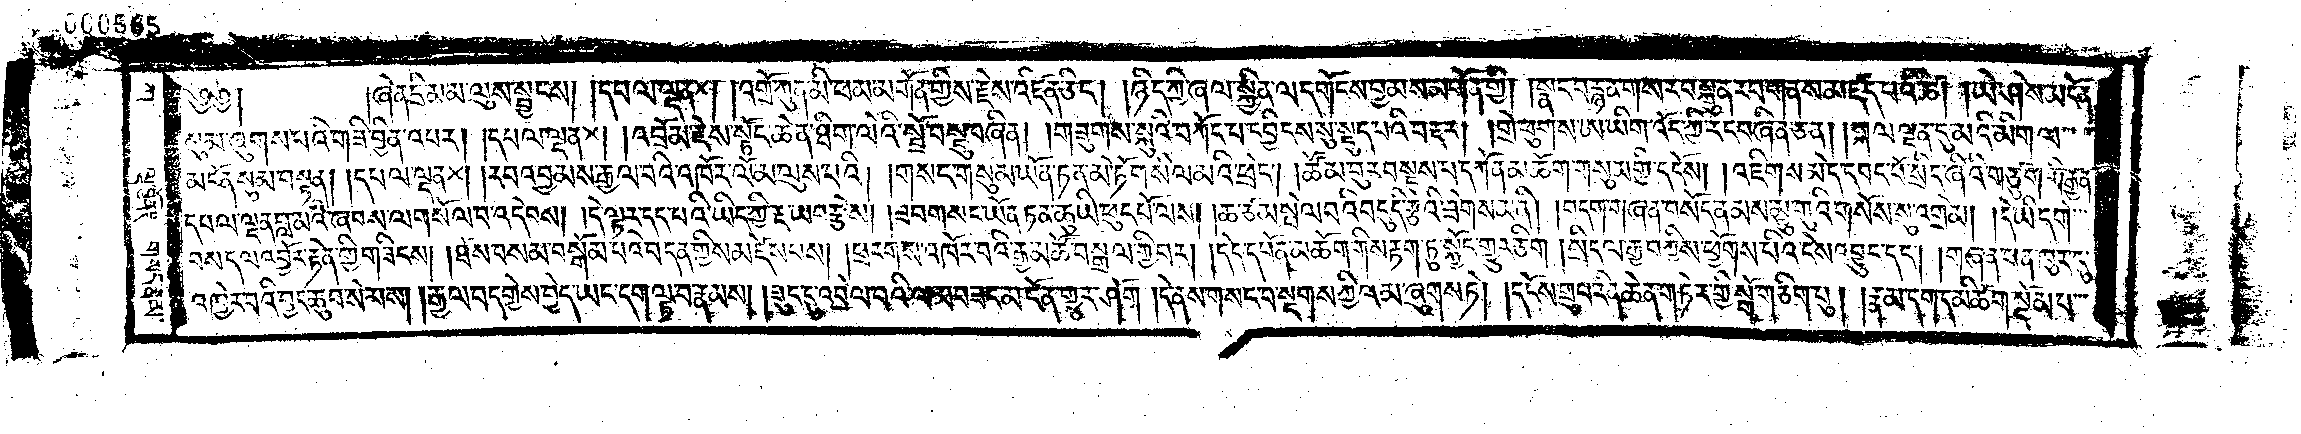༄༅། །ཞེན་དྲི་མ་མ་ལུས་སྦྱངས། །དཔལ་ལྡན་྾། །འགྲོ་ཀུན་མི་ཕམ་མགོན་གྱིས་རྗེས་འཛིན་ཅིང་། །ཉིད་ཀྱི་ཞལ་སྐྱིན་ལ་དགོངས་བྱམས་མགོན་གྱི། །སྣང་བརྙན་གསར་བསྐྲུན་རབ་གནས་མཛད་པའི་ཚེ། །ཡེ་ཤེས་མངོན་
སུམ་ཞུགས་པའི་གཟི་བྱིན་འབར། །དཔལ་ལྡན་྾། །འབྲོམ་རྗེས་སྟོང་ཆེན་ཐིག་ལེའི་སྤྲོ་བསྡུ་བཞིན། །གཟུགས་སྐུའི་བཀོད་པ་དབྱིངས་སུ་སྡུད་བའི་བརྡར། །གྲེ་ཕུགས་ཨ་ཡིག་འོད་ཀྱི་རང་བཞིན་ཅན། །སྐལ་ལྡན་དུ་མའི་མིག་ལ་
མངོན་སུམ་བསྟན། །དཔལ་ལྡན་྾། །རབ་འབྱམས་རྒྱལ་བའི་འཁོར་ལོ་མ་ལུས་པའི། །གསང་གསུམ་ཡོན་ཏན་མེ་ཏོག་སིལ་མའི་ཕྲེང་། །ཚོམ་བུར་བསྡུས་པ་དཀོན་མཆོག་གསུམ་གྱི་དངོས། །འཇིགས་མེད་དབང་པོ་སྲིད་ཞིའི་གཙུག་གི་རྒྱན་
དཔལ་ལྡན་བླ་མའི་ཞབས་ལ་གསོལ་བ་འདེབས། །དེ་ལྟར་དད་པའི་ཡིད་ཀྱི་རྔ་ཡབ་རྩེས། །ཟབ་གསང་ཡོན་ཏན་ཆུ་ཡི་ཕུང་པོ་ལས། །ཆ་ཙམ་སྤེལ་བའི་བདུད་རྩིའི་ཟེགས་མ་ནི། །བདག་གཞན་བསོད་ནམས་མྱུ་གུའི་གསོས་སུ་འགྲེམ། །དེ་ཡི་དགེ་
བས་དལ་འབྱོར་རྟེན་གྱི་གཟིངས། །ཐོས་བསམ་བསྒོམ་པའི་བདན་གྱིས་མཛེས་པས། །ཕྲ་རགས་འཁོར་བའི་རྒྱ་མཚོ་བསྒྲལ་གྱི་བར། །དེད་དཔོན་མཆོག་གིས་རྟག་ཏུ་སྐྱོང་གྱུར་ཅིག །སྲིད་ལ་རྒྱབ་ཀྱིས་ཕྱོགས་པའི་ངེས་འབྱུང་དང་། །གཞན་ཕན་ཁུར་དུ་
འཁྱེར་བའི་བྱང་ཆུབ་སེམས། །རྒྱལ་བ་དགྱེས་བྱེད་ཡང་དག་ལྟ་བ་རྣམས། །ཟུང་དུ་འབྲེལ་བའི་ལམ་བཟང་མངོན་གྱུར་ཤོག །དེ་ནས་གསང་བ་སྔགས་ཀྱི་ལམ་ཞུགས་ཏེ། །དངོས་གྲུབ་རིན་ཆེན་གཏེར་གྱི་སྒོ་གཅིག་པུ། །རྣམ་དག་དམ་ཚིག་སྒོམ་པ་